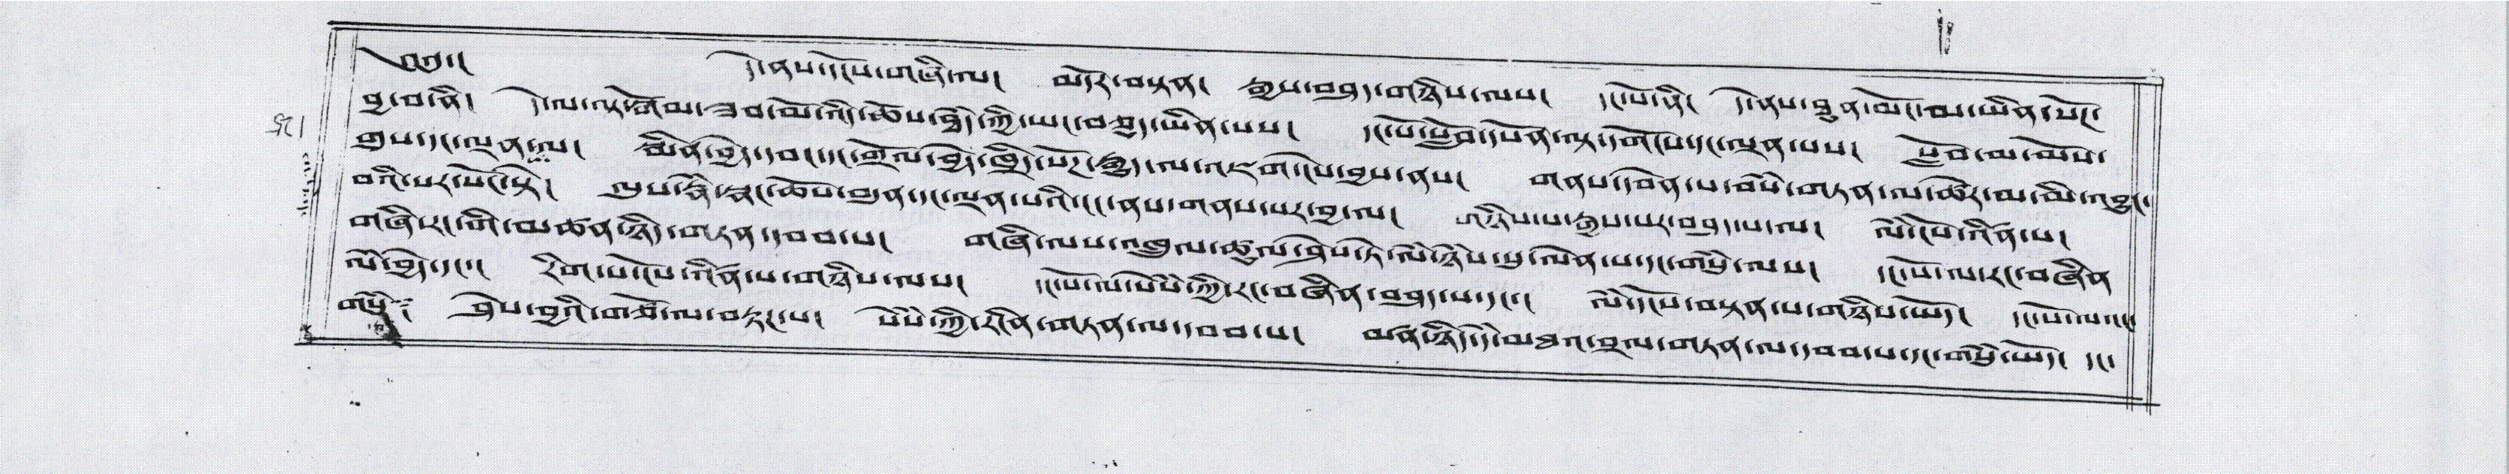དེ་ནས་དངོས་གཞི་ལ་མདོར་བསྟན་རྒྱས་བཤད་གཉིས་ལས། དེ་ནས་ཐུན་མོང་མ་ཡིན་སོགས་
བྱ་བ་ནི། དེ་ལ་ལྟ་སྒོམ་ཟབ་མོ་འདི་ཆོས་ཐམས་ཅད་ཀྱི་ཡང་བཅུད་ཡིན་པས། དང་པོ་སློབ་དཔོན་ལྟ་དགོངས་དང་ལྡན་པས། སློབ་མ་མོས་
གུས་དང་ལྡན་པ་ལ། སྨིན་བྱེད་དབང་དང་གྲོལ་བྱེད་ཁྲིད་སོགས་རྒྱུད་ལ་འཇགས་ངེས་བྱས་ནས། གནས་དབེན་པ་བསམ་གཏན་ལ་ཚེར་མ་མི་འབྱུང་
བའི་སར་སོང་སྟེ། ལུས་རྣམ་སྣང་ཆོས་བདུན་དང་ལྡན་པའི་ངང་ལ་གནས་པར་བྱ་ལ། གཉིས་པ་རྒྱས་པར་བཤད་པ་ལ། ལམ་ངོས་འཛིན་པ། 
གཞི་རང་གི་མཚན་ཉིད་གཏན་ལ་དབབ་པ། གཞི་ལས་འཁྲུལ་ཚུལ་ཤེས་ཏེ་ལམ་ཉམས་སུ་ལེན་པ་དང་གསུམ་ལས། དང་པོ་ལ་རང་བཞིན་
ལམ་བྱེད་དང་། རིག་པ་ངོས་འཛིན་པ་གཉིས་ལས། དང་པོ་ལ་སེམས་ཀྱི་རང་བཞིན་བཤད་པ་དང་། ལམ་དངོས་བསྟན་པ་གཉིས་ཡོད། དང་པོ་ལའང་
གསུམ། ཤེས་བྱའི་གཙོ་ལ་བརྟགས་པ། སེམས་ཀྱི་རང་བཞིན་གཏན་ལ་དབབ་པ། མཚན་ཉིད་དམ་མཐའ་བྲལ་གཏན་ལ་དབབ་པ་དང་གསུམ་ཡོད། དང་